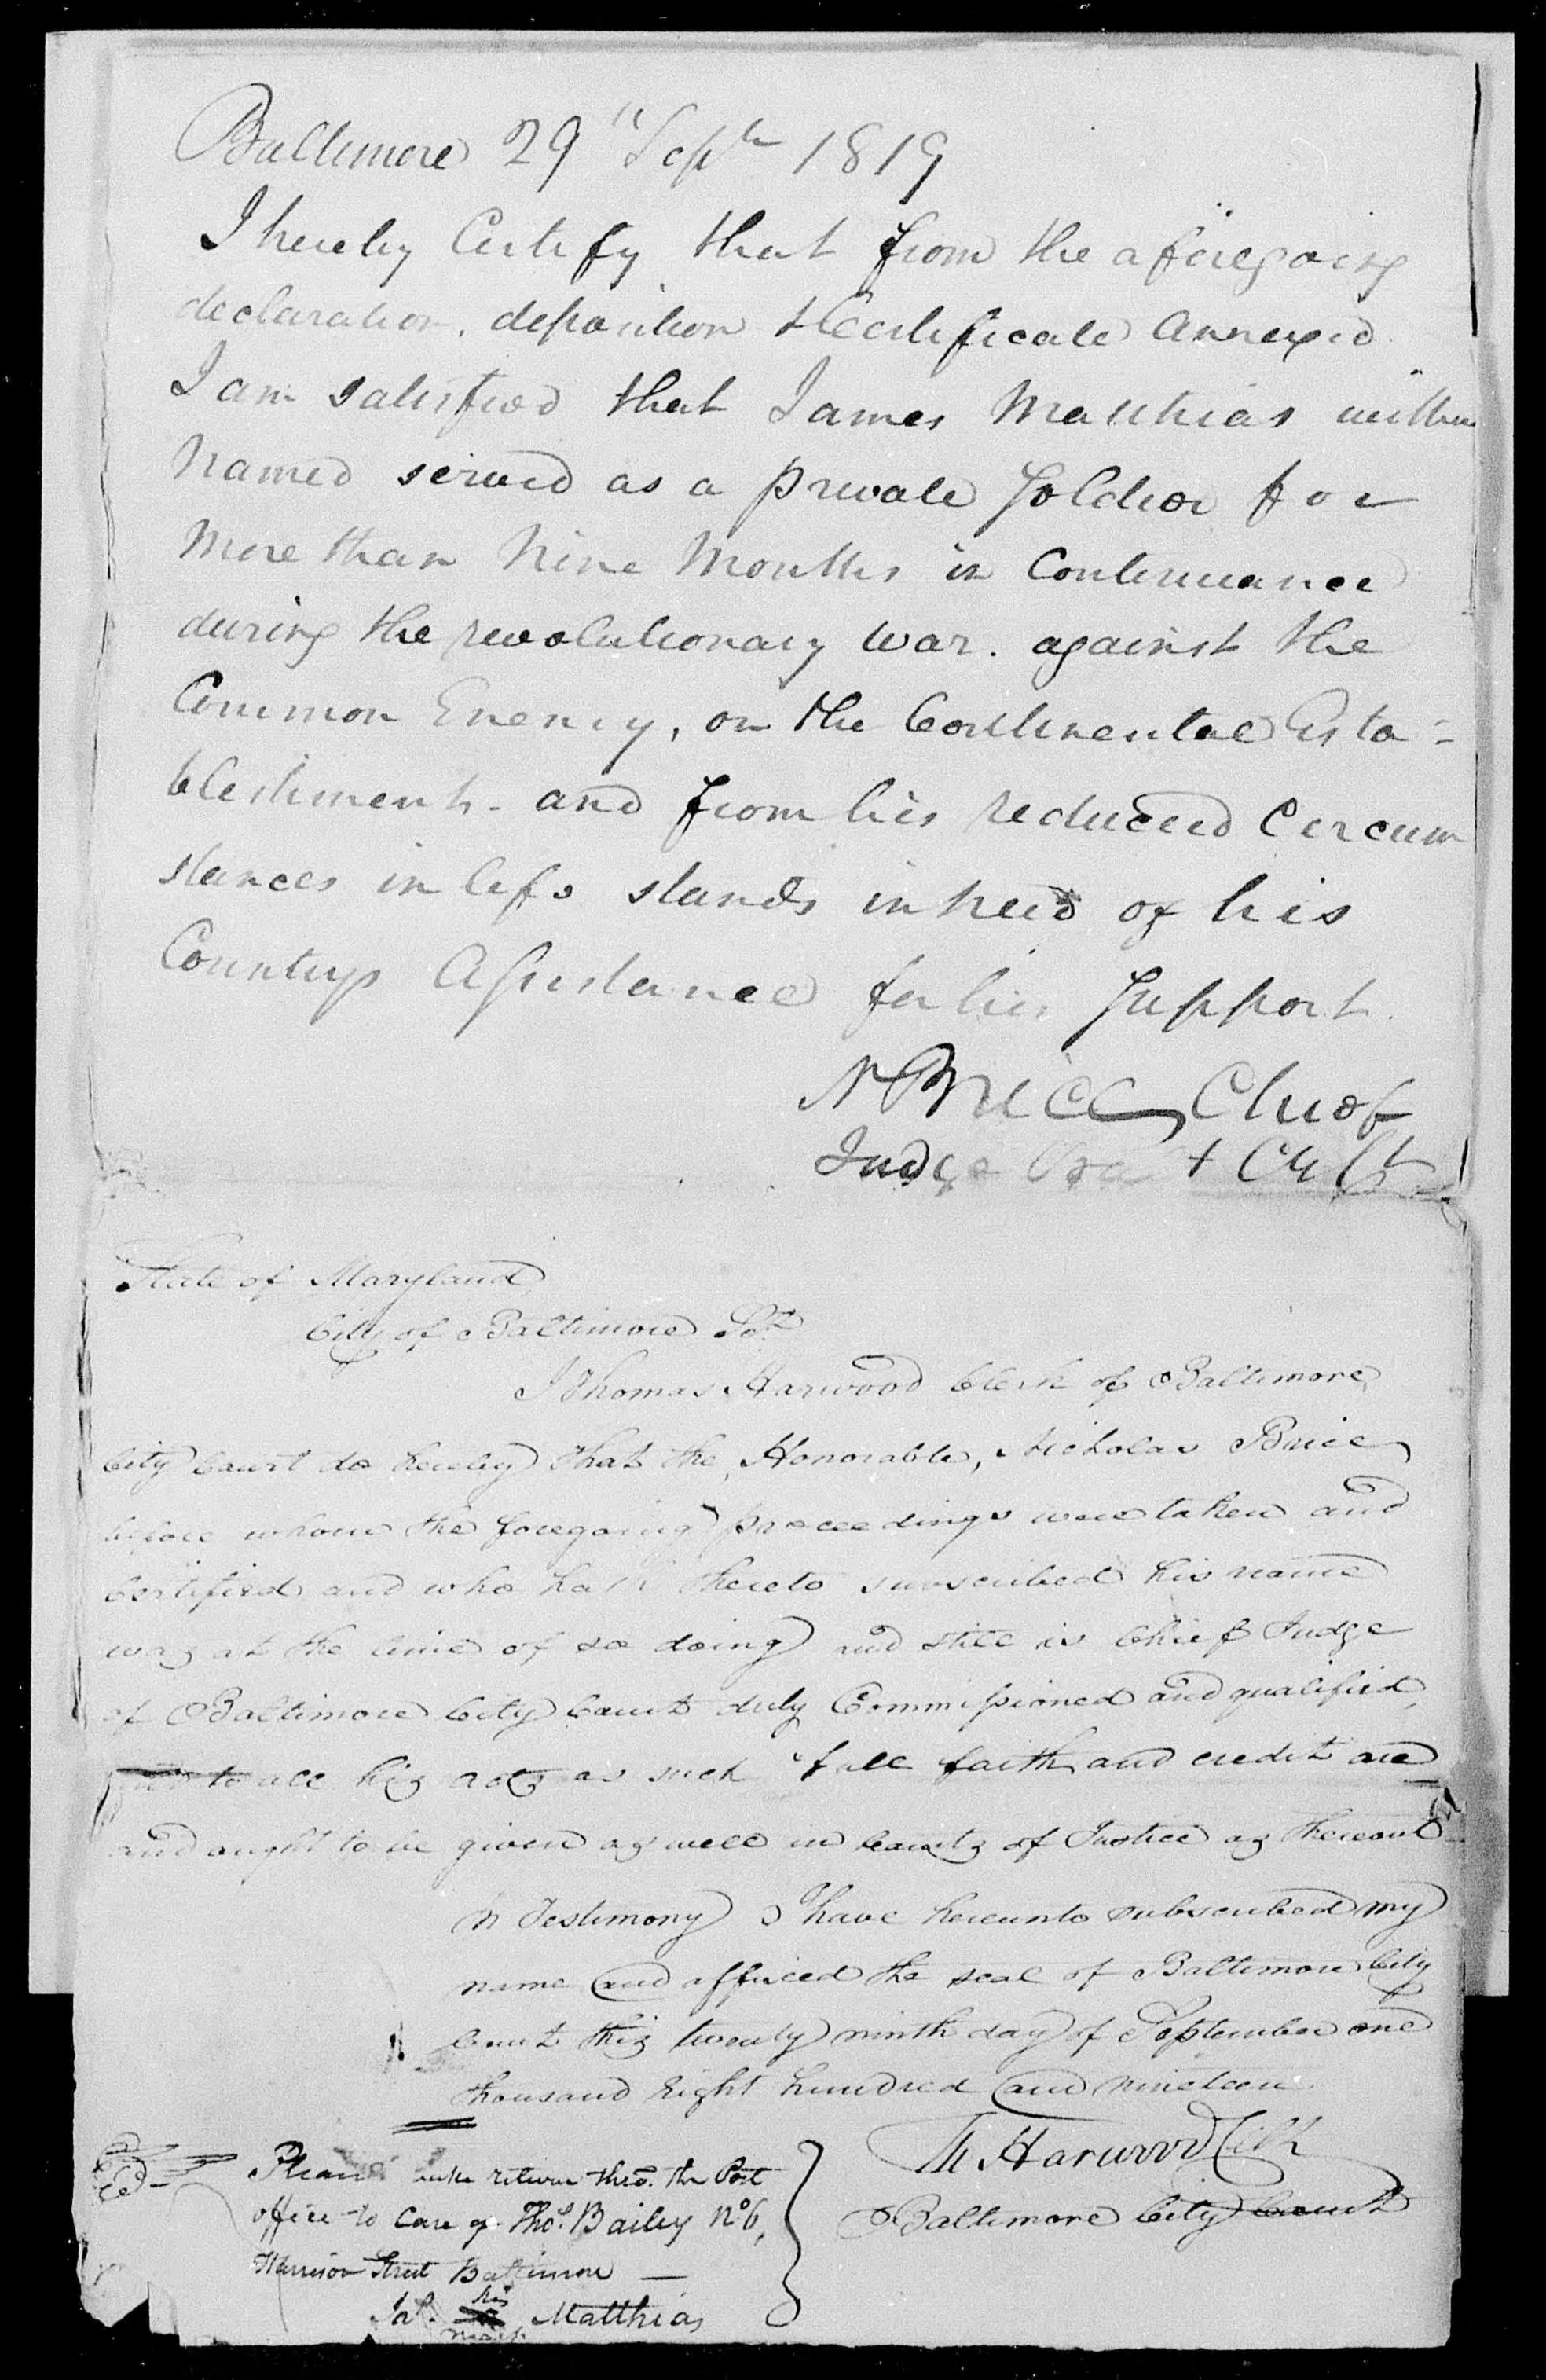Baltimore 29 Sept 1819
I hereby certify that from the aforegoing
declaration deposition & certificate annexed
I am satisfied that James Matthias within
named served as a private soldier for
more than nine months in continuance
during the revolutionary war against the
Common Enemy, on the Continental Establishment and from his reduced circumstances in life stands in need of his
Country's Assistance for his support

N Brice  Chief
Judge Balti Court

State of Maryland
City of Baltimore Ss
I Thomas Harwood Clerk of Baltimore City Court do hereby that the Honorable Nicholas Brice before whom the foregoing proceedings were taken and certified and who hath thereto subscribed his name, was at the time of so doing and still is chief Judge of Baltimore City Court duly Commissioned and qualified
all his acts as such full faith and credit are
to be given as well in Courts of Justice as thereout.

In Testimony I have hereunto subscribed my
name and affixed the seal of Baltimore City Court this twenty ninth day of September one
thousand Eight hundred and nineteen
Th Harwood Clk
Baltimore City Court

Please to return these the Port
office to care of Thos Bailey No. 6
Harrison Street Baltimore
      his
John  x  Matthias
mark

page: 20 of 20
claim: survivor's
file: S. 40,119, for James Mathias, Maryland